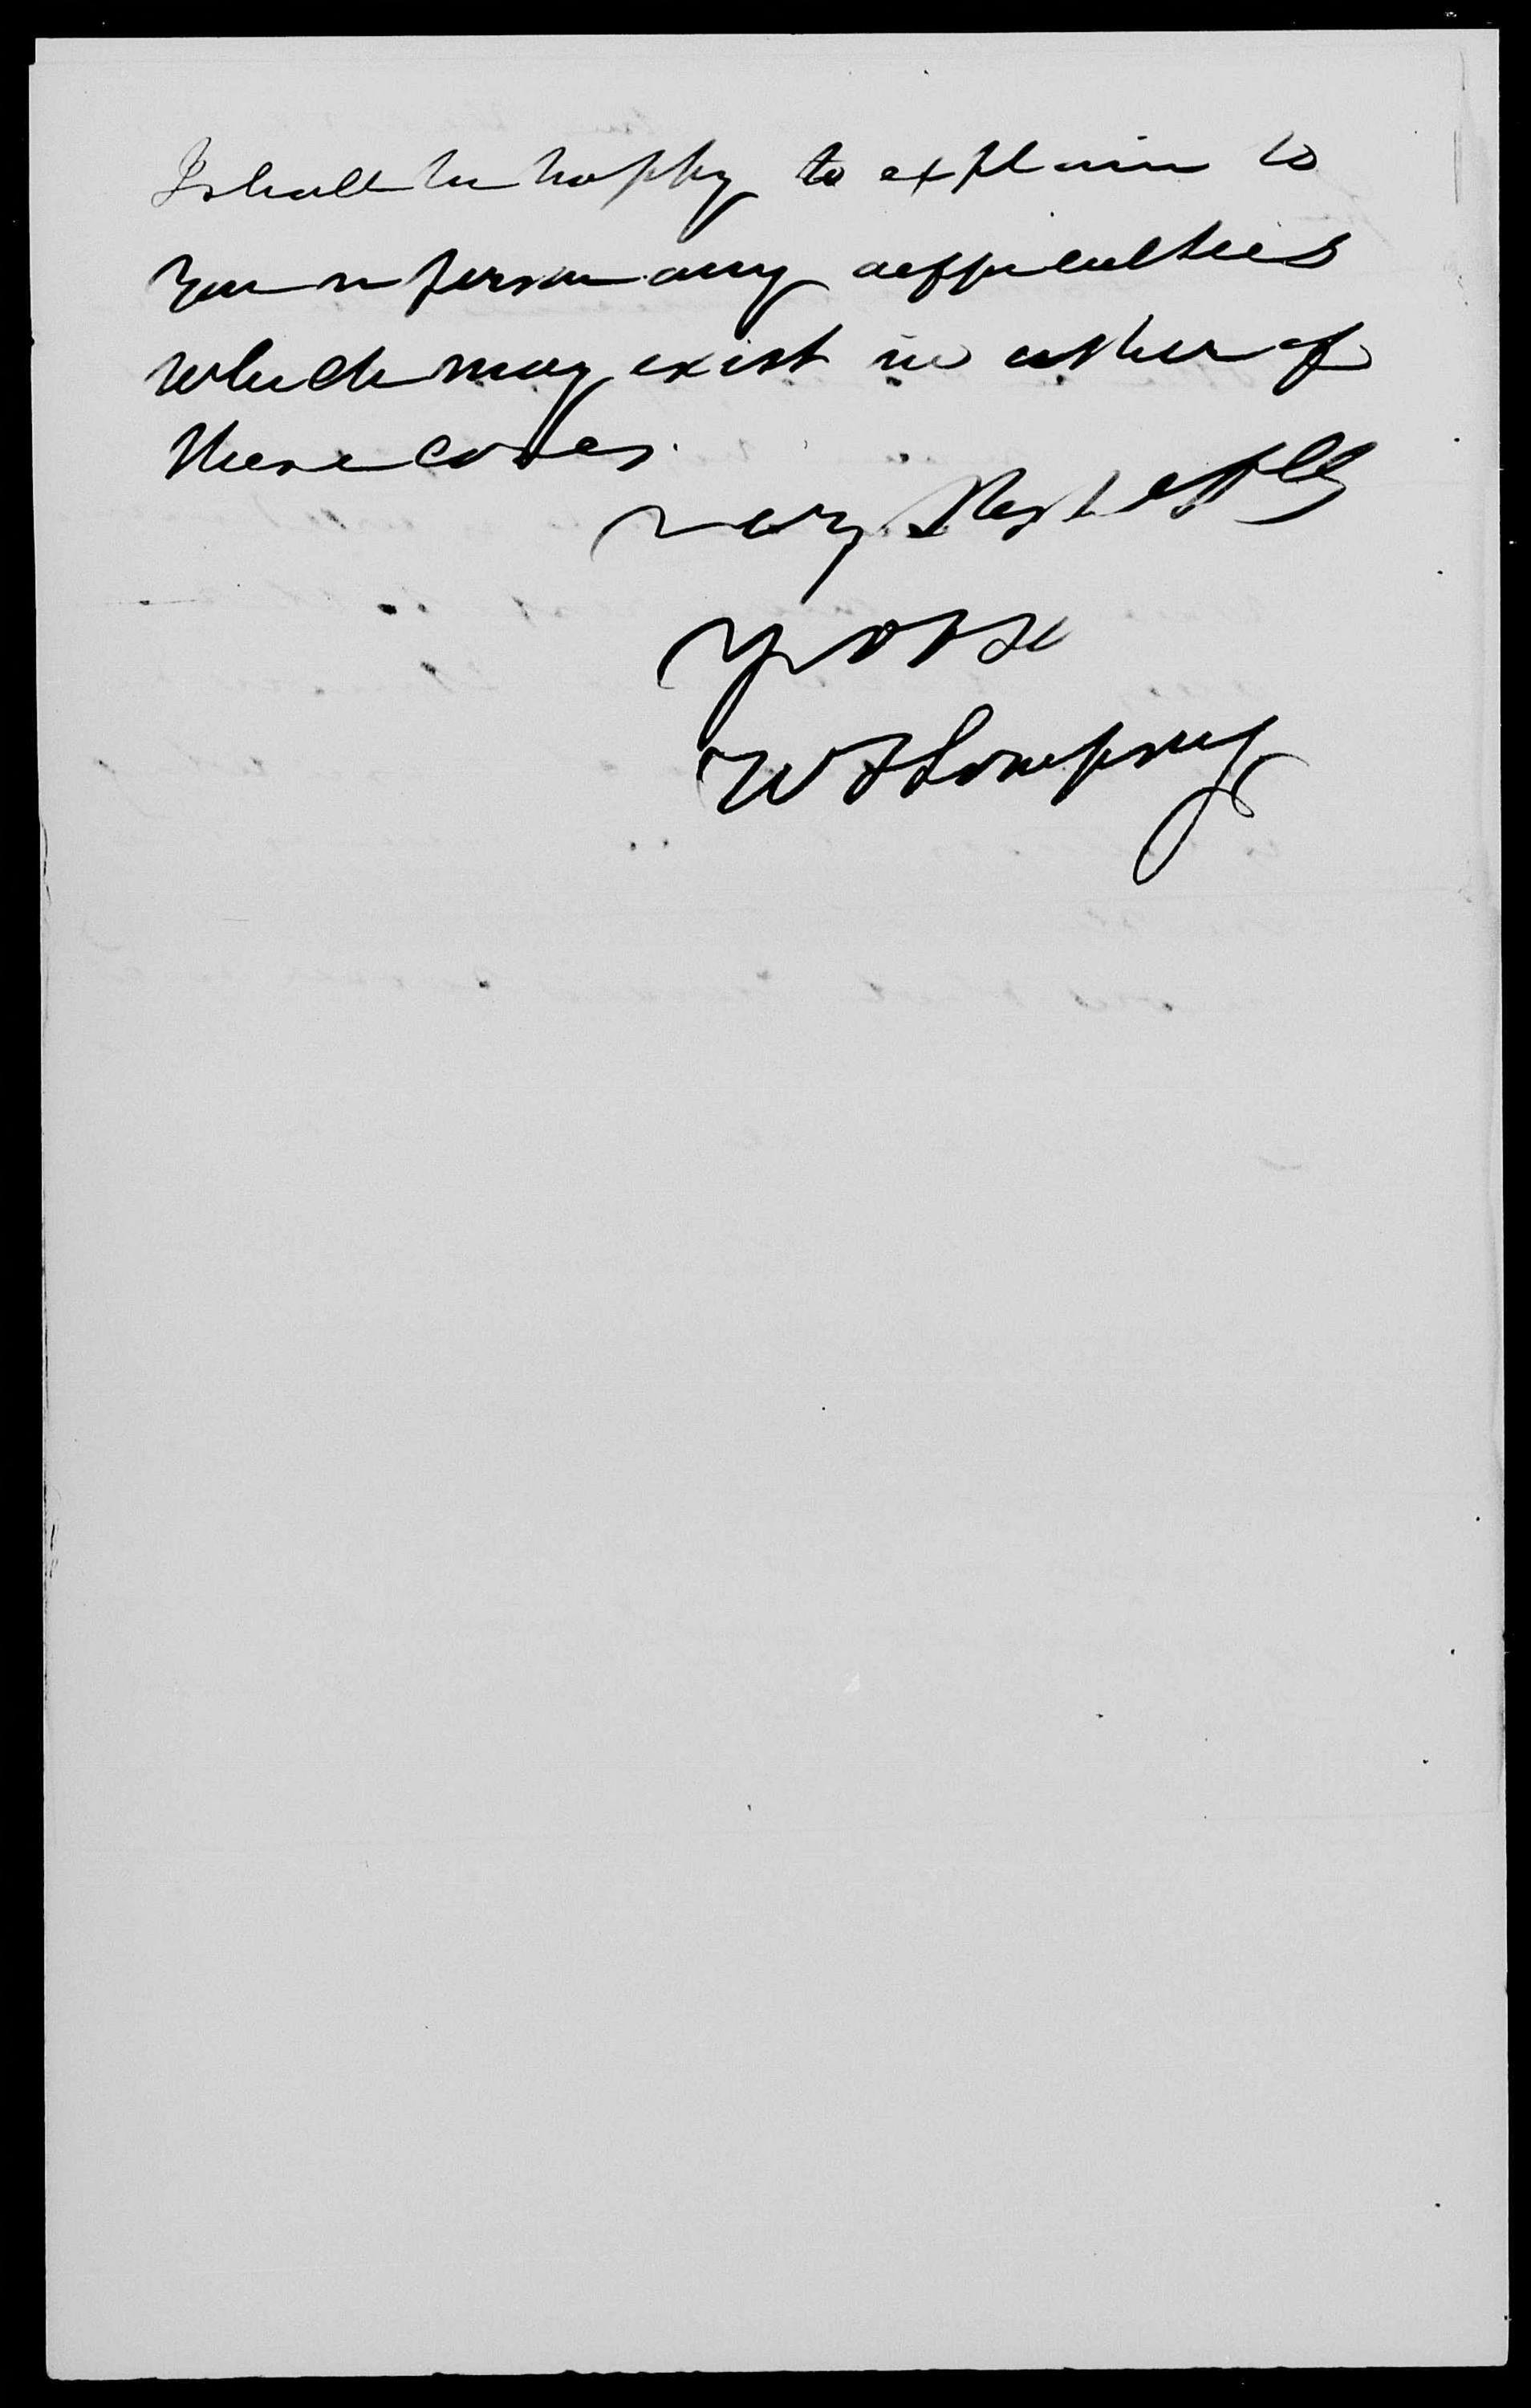I shall be happy to explain to
you or person any difficulties
which may exist in other of
[  ]
very [  ]
yours
[  ]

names: W Thompson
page: 23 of 36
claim: survivor's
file: S 6571, John Bagwell, N.C.